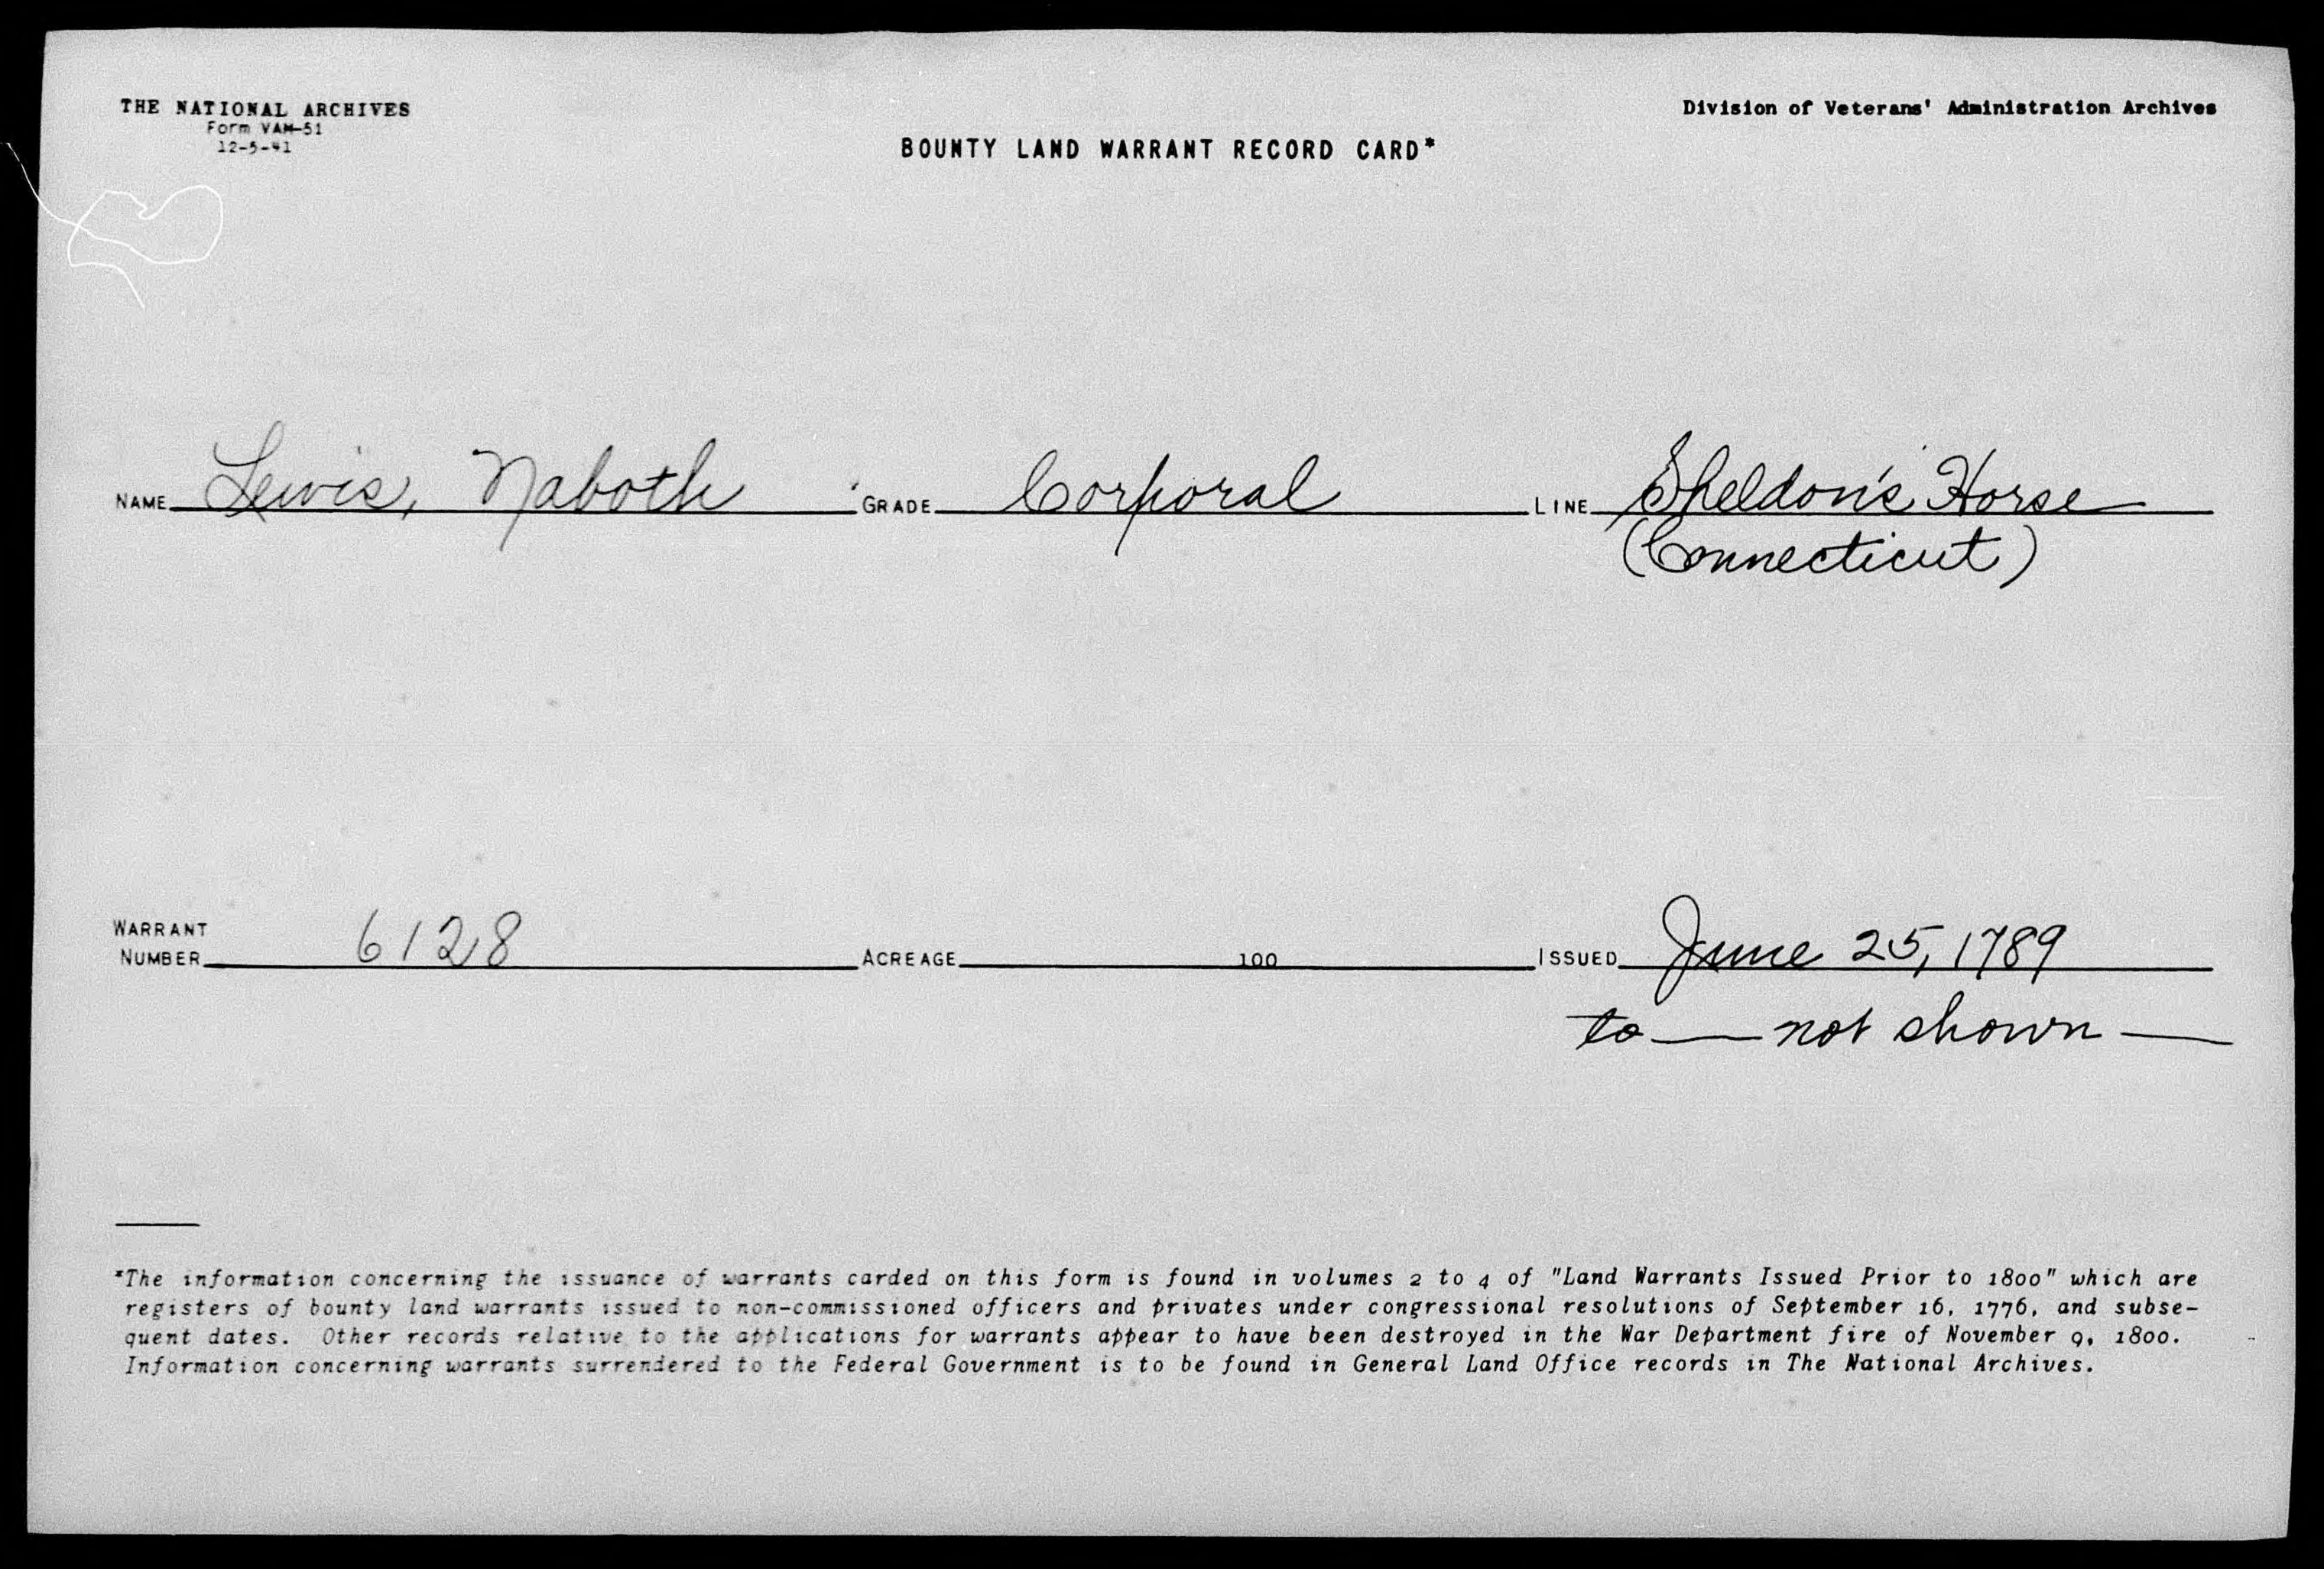THE NATIONAL ARCHIVES
Form VAM-51
12-5-41
Division of Veteran's Administration Archives
BOUNTY LAND WARRANT RECORD CARD*
NAME: Lewis, Naboth
GRADE: Corporal
LINE: Sheldon's Horse
(Connecticut)
WARRAN NUMBER: 6128
ACREAGE: 100
ISSUED: June 25, 1789
to — not shown —

*The information concerning the issuance of warrants carded on this form is found in volumes 2 to 4 of "Land Warrants Issued Prior to 1800" which are
registers of bountry land warrants issued to non-commissioned officers and privates under congressional resolutions of Septmbe 16, 1776, and subse-
quent dates. Other records relative to the applications for warrants appear to have been destoyed in the War Department fire of November 9, 1800.
Information concerning warrants surrendered to the Federal Government is to be found in General Land Office records in The National Archives.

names: Naboth Lewis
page: 7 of 7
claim: survivor's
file: S. 41766, for Morgan Lewis, North Carolina